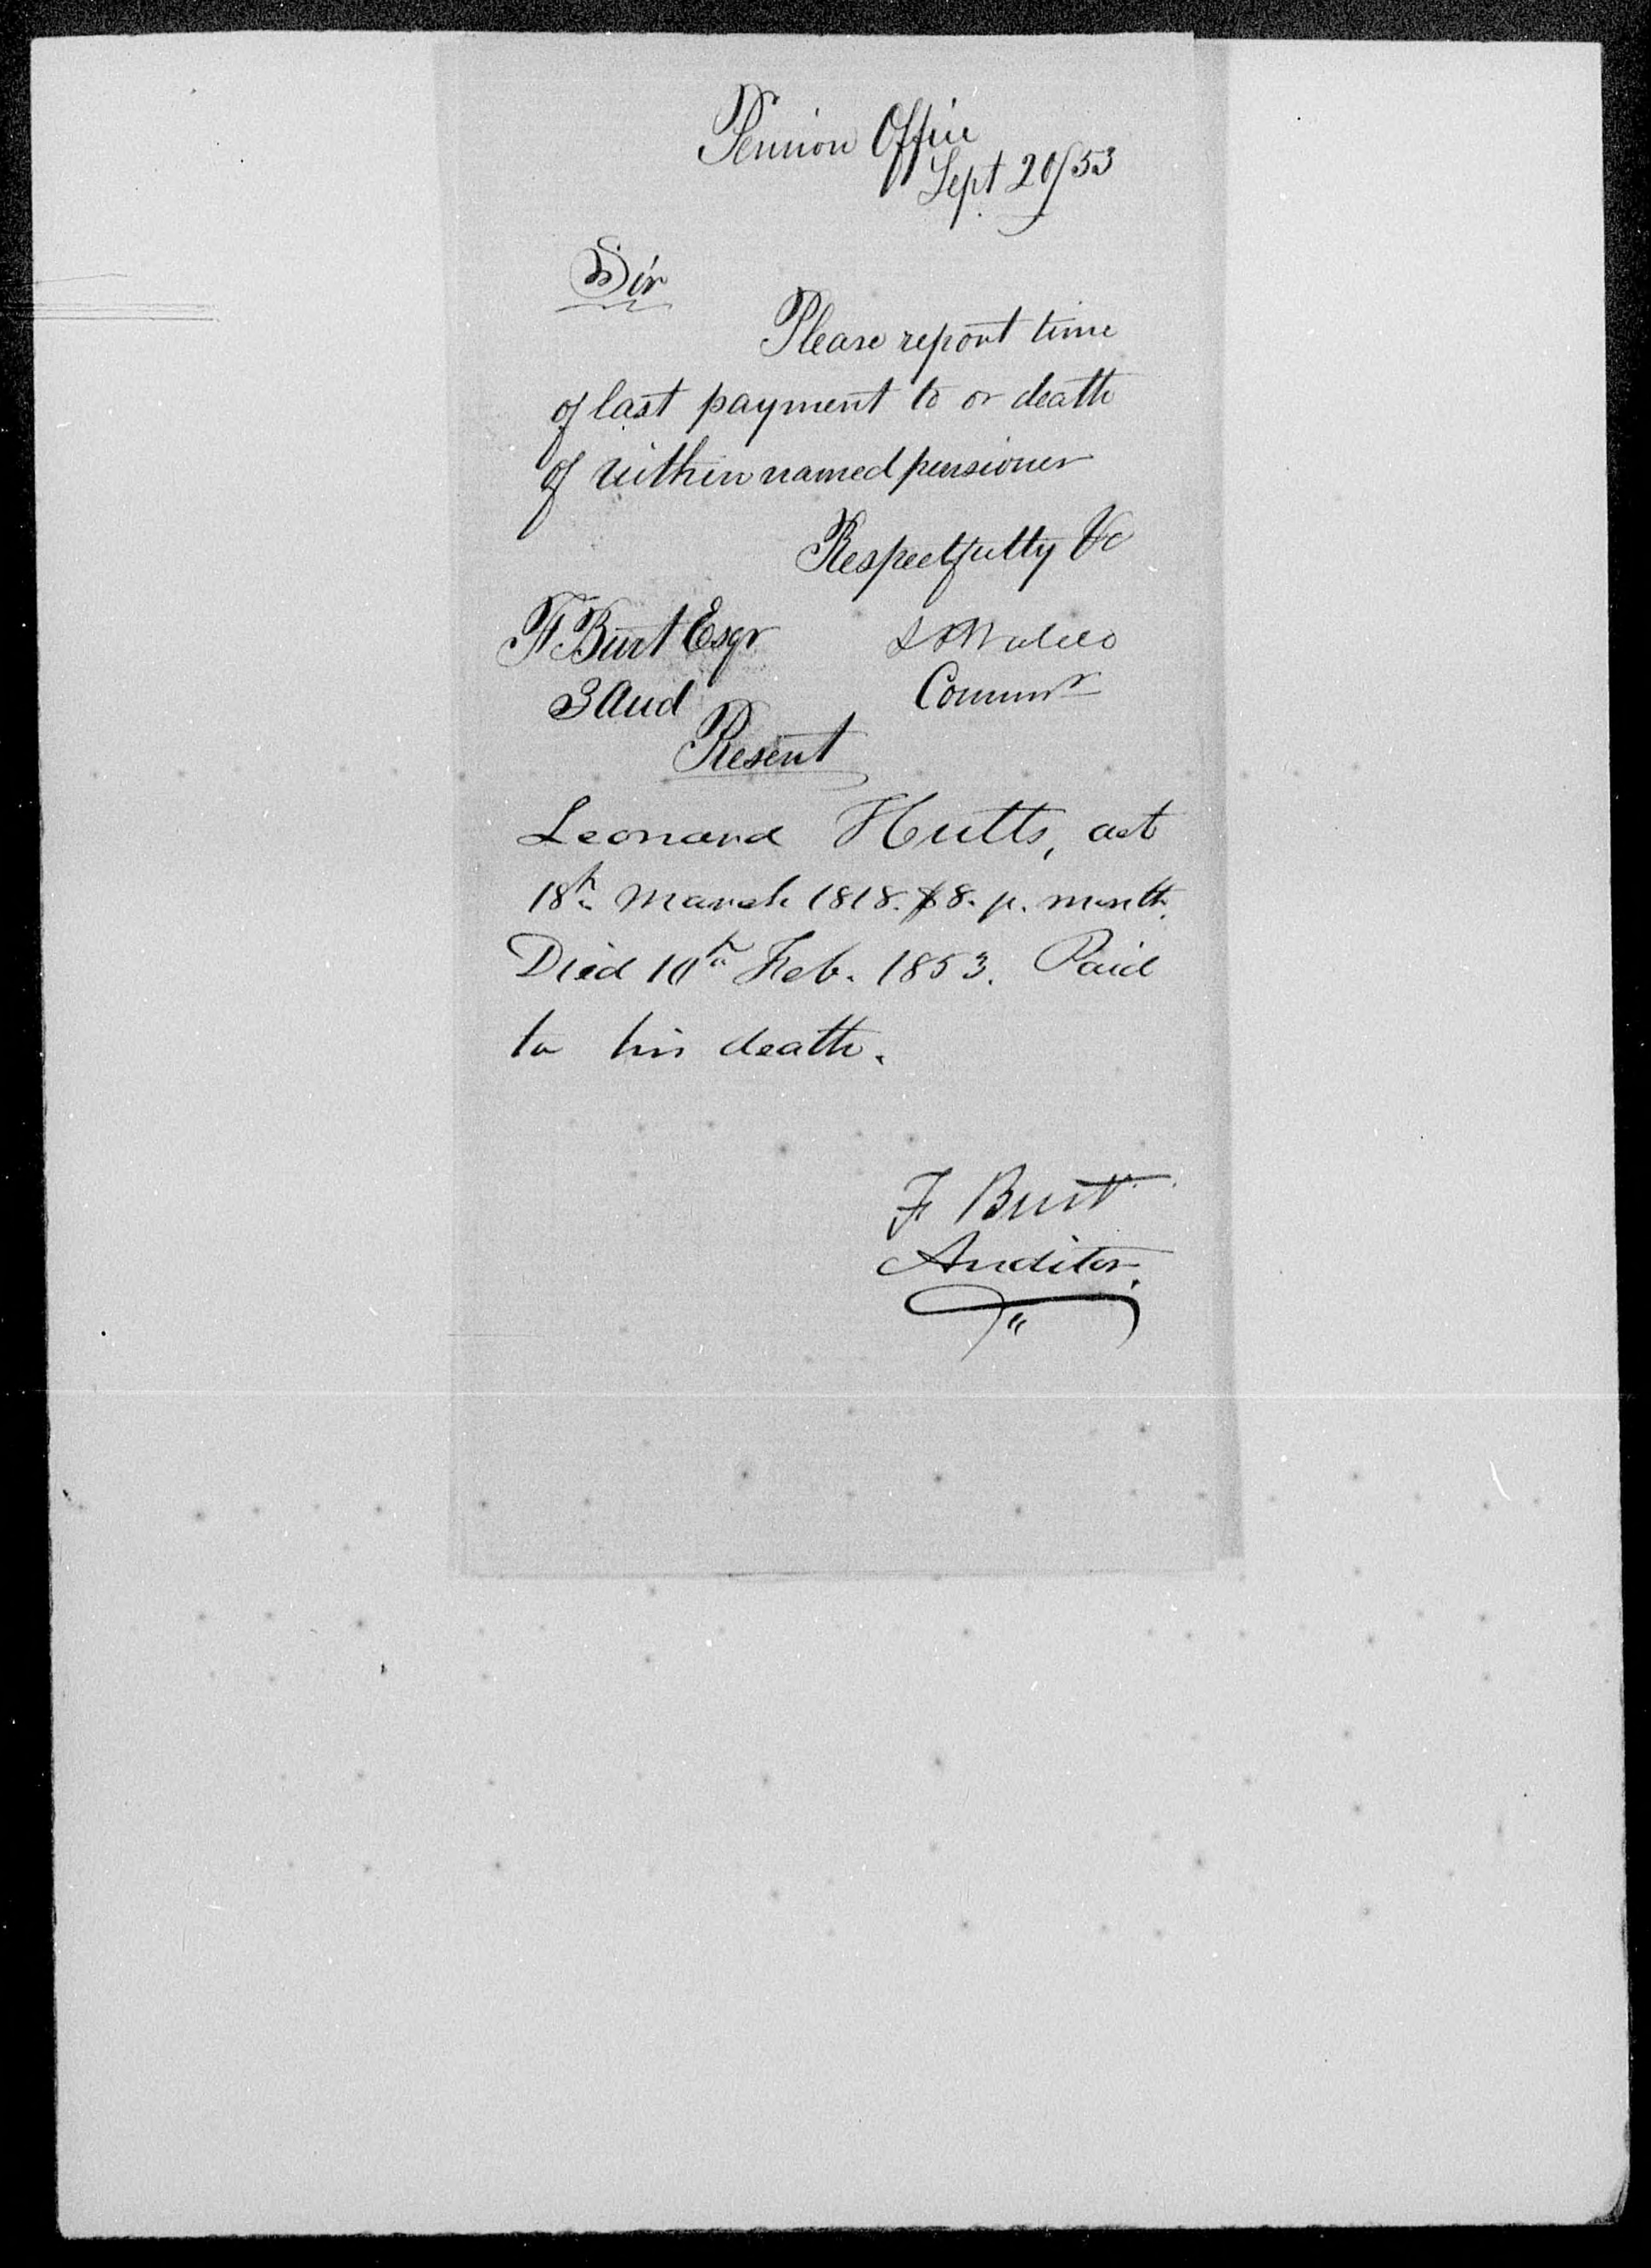Pension Office
Sept. 20/53

Sir,
Please report time of last payment to or death of within named pensioner.
Respectfully 
L P Waldo 
Commr [Commissioner]

F. Burt Esqr [Esquire]
3 Aud
Resent
Leonard Hutts, act 18th March 1818 $8 p month Died 10th Feb. 1853. Paid to his death.
F. Burt
Auditor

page: 20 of 33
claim: widow's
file: W. 550, for Leonard Hutts, Virginia